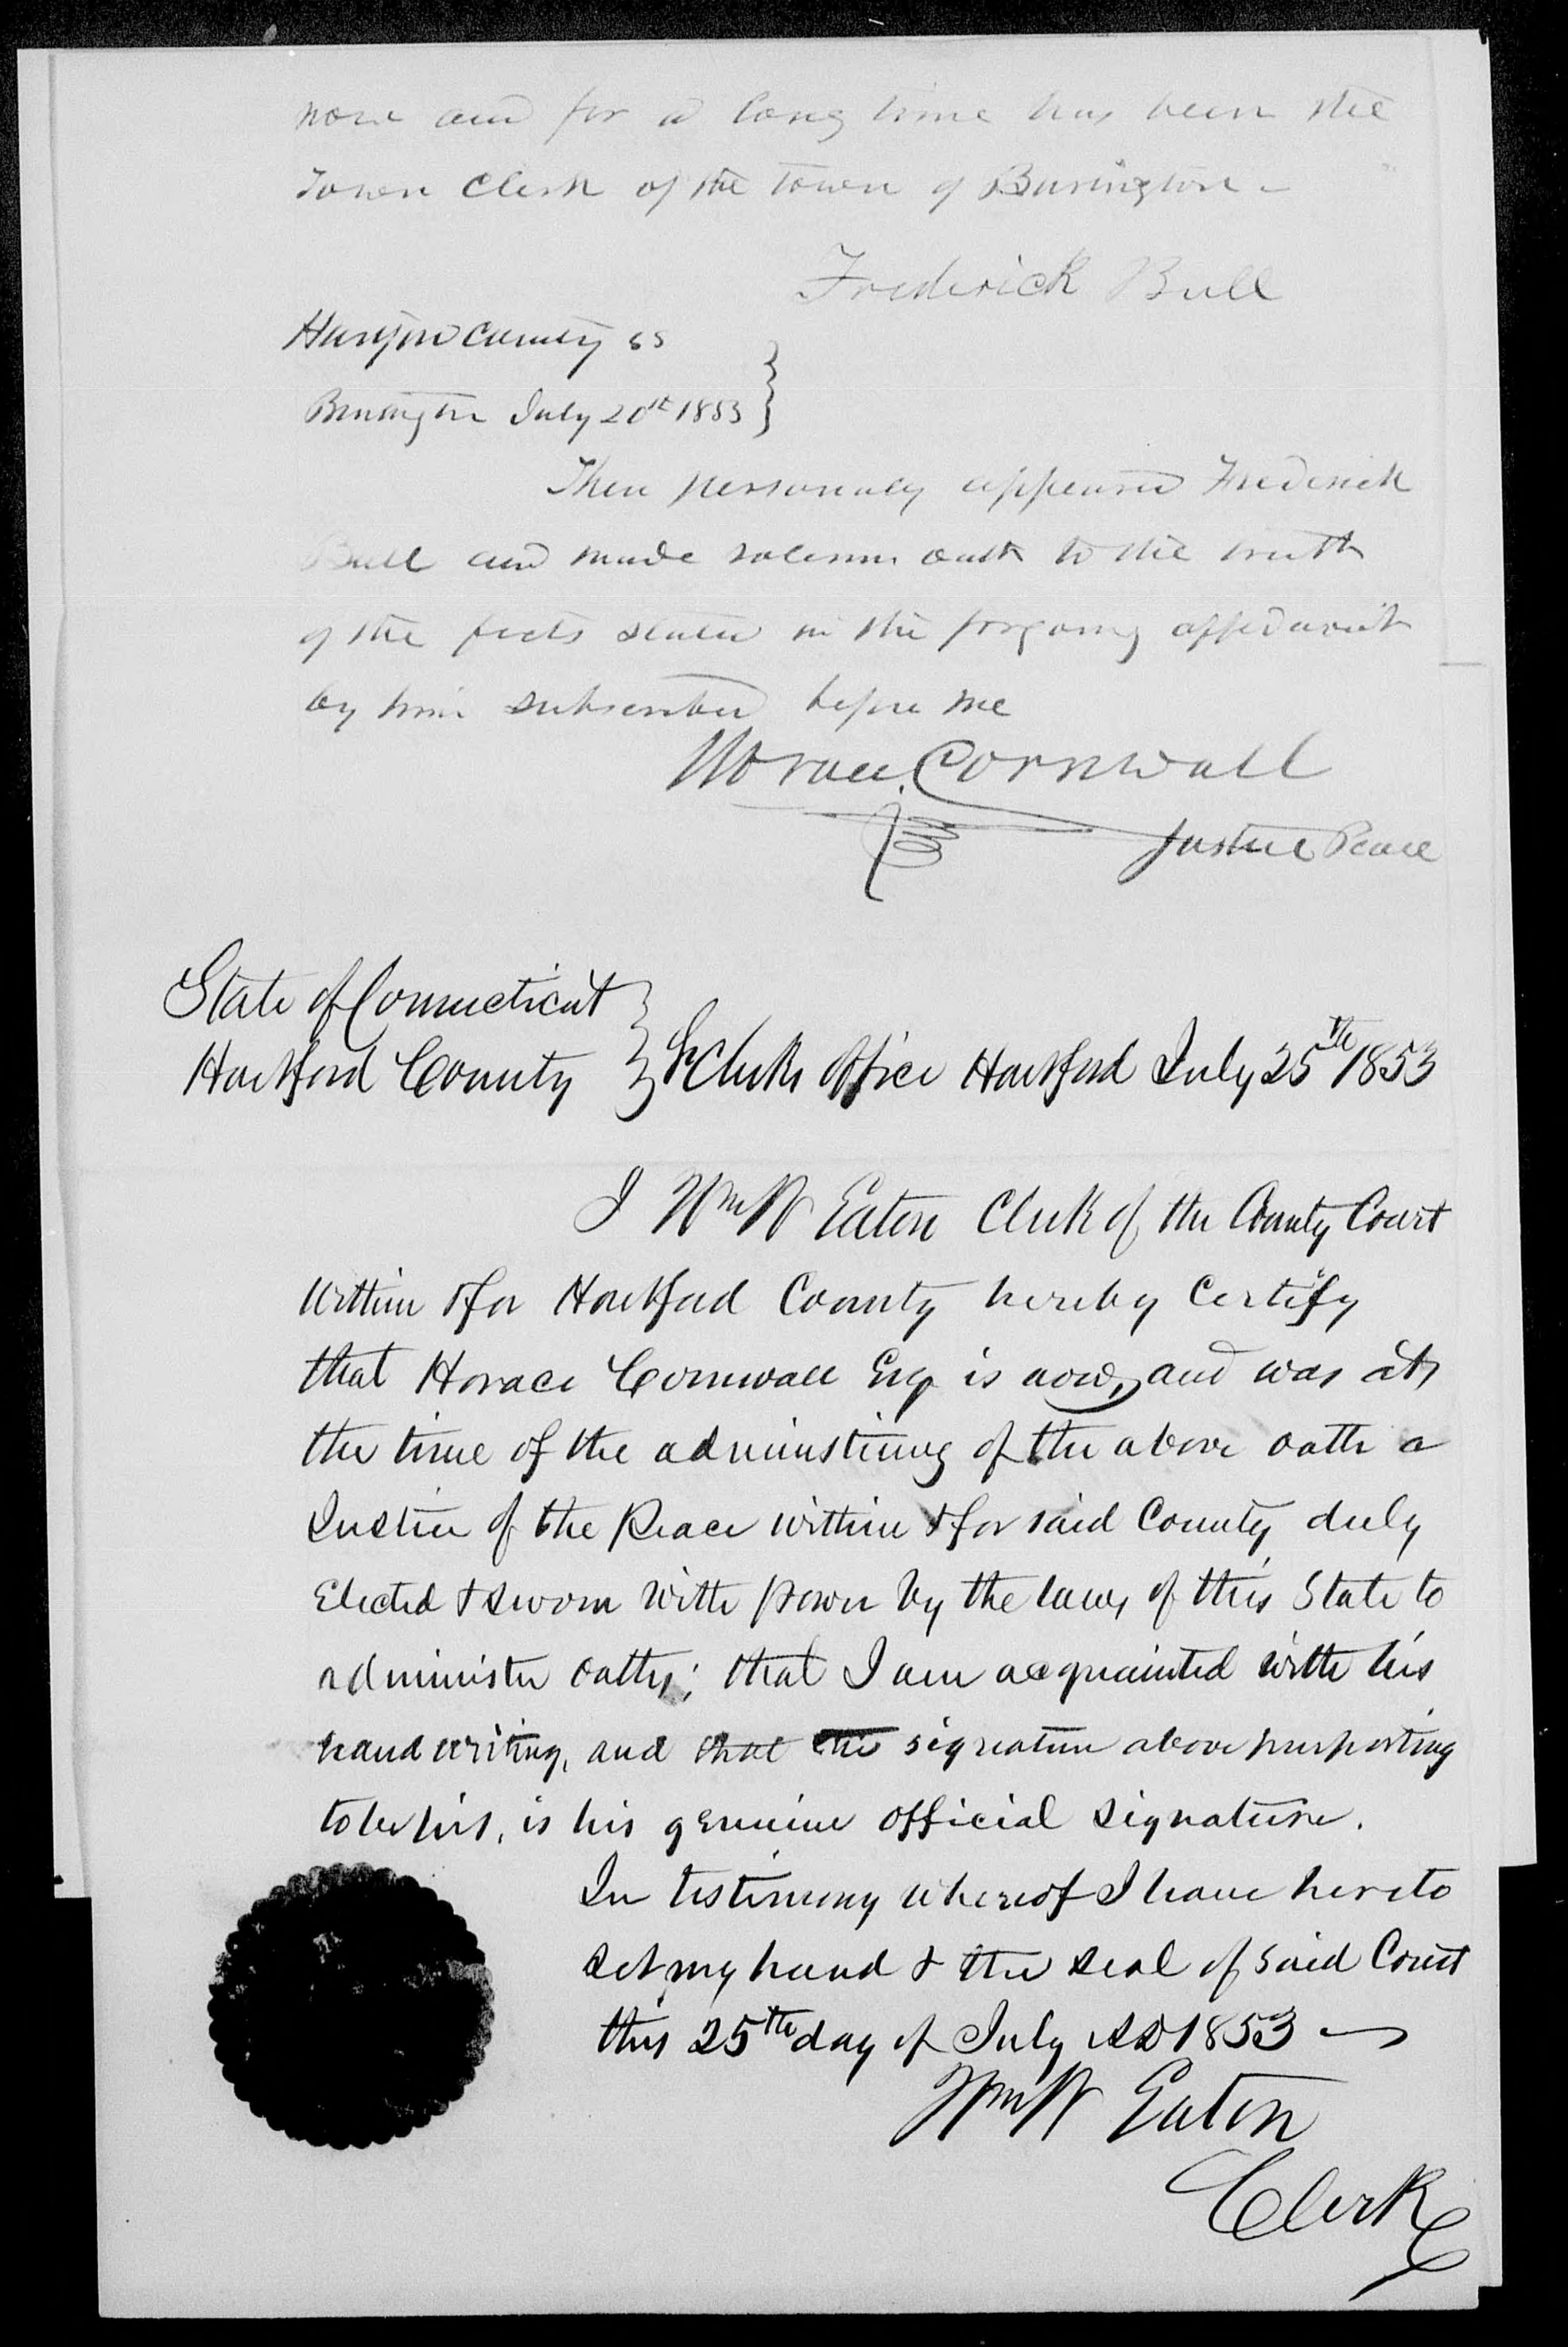Justice Peace

State of Connecticut}Js Clerks Office Hartford July 25th 1853

   I William W Eaton Clerk of the County Court within & for Hartford County hereby certify that Horace Cornwall Esq. is now, and was at the time of the administering of the above oath a Justice of the Peace within & for said County duly elected & sworn with power by the laws of this state to administer oaths; that I am acquainted with his hand writing and that the signature above purporting to be his, is his genuine official signature.  

Seal           In testimony whereof I have hereto
affixed      set my hand & the seal of said Court 
here          this 25th day of July AD 1853 -
                                [Signed]  Wm W Eaton
                                                         Clerk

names: Horace Cornwall, Horace Cornwall, Frederick Bull, Wm W Eaton, Wm W Eaton, Frederick Bull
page: 8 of 40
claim: survivor's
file: S. 36,537 And R. 4034, John Gillet, Conn.